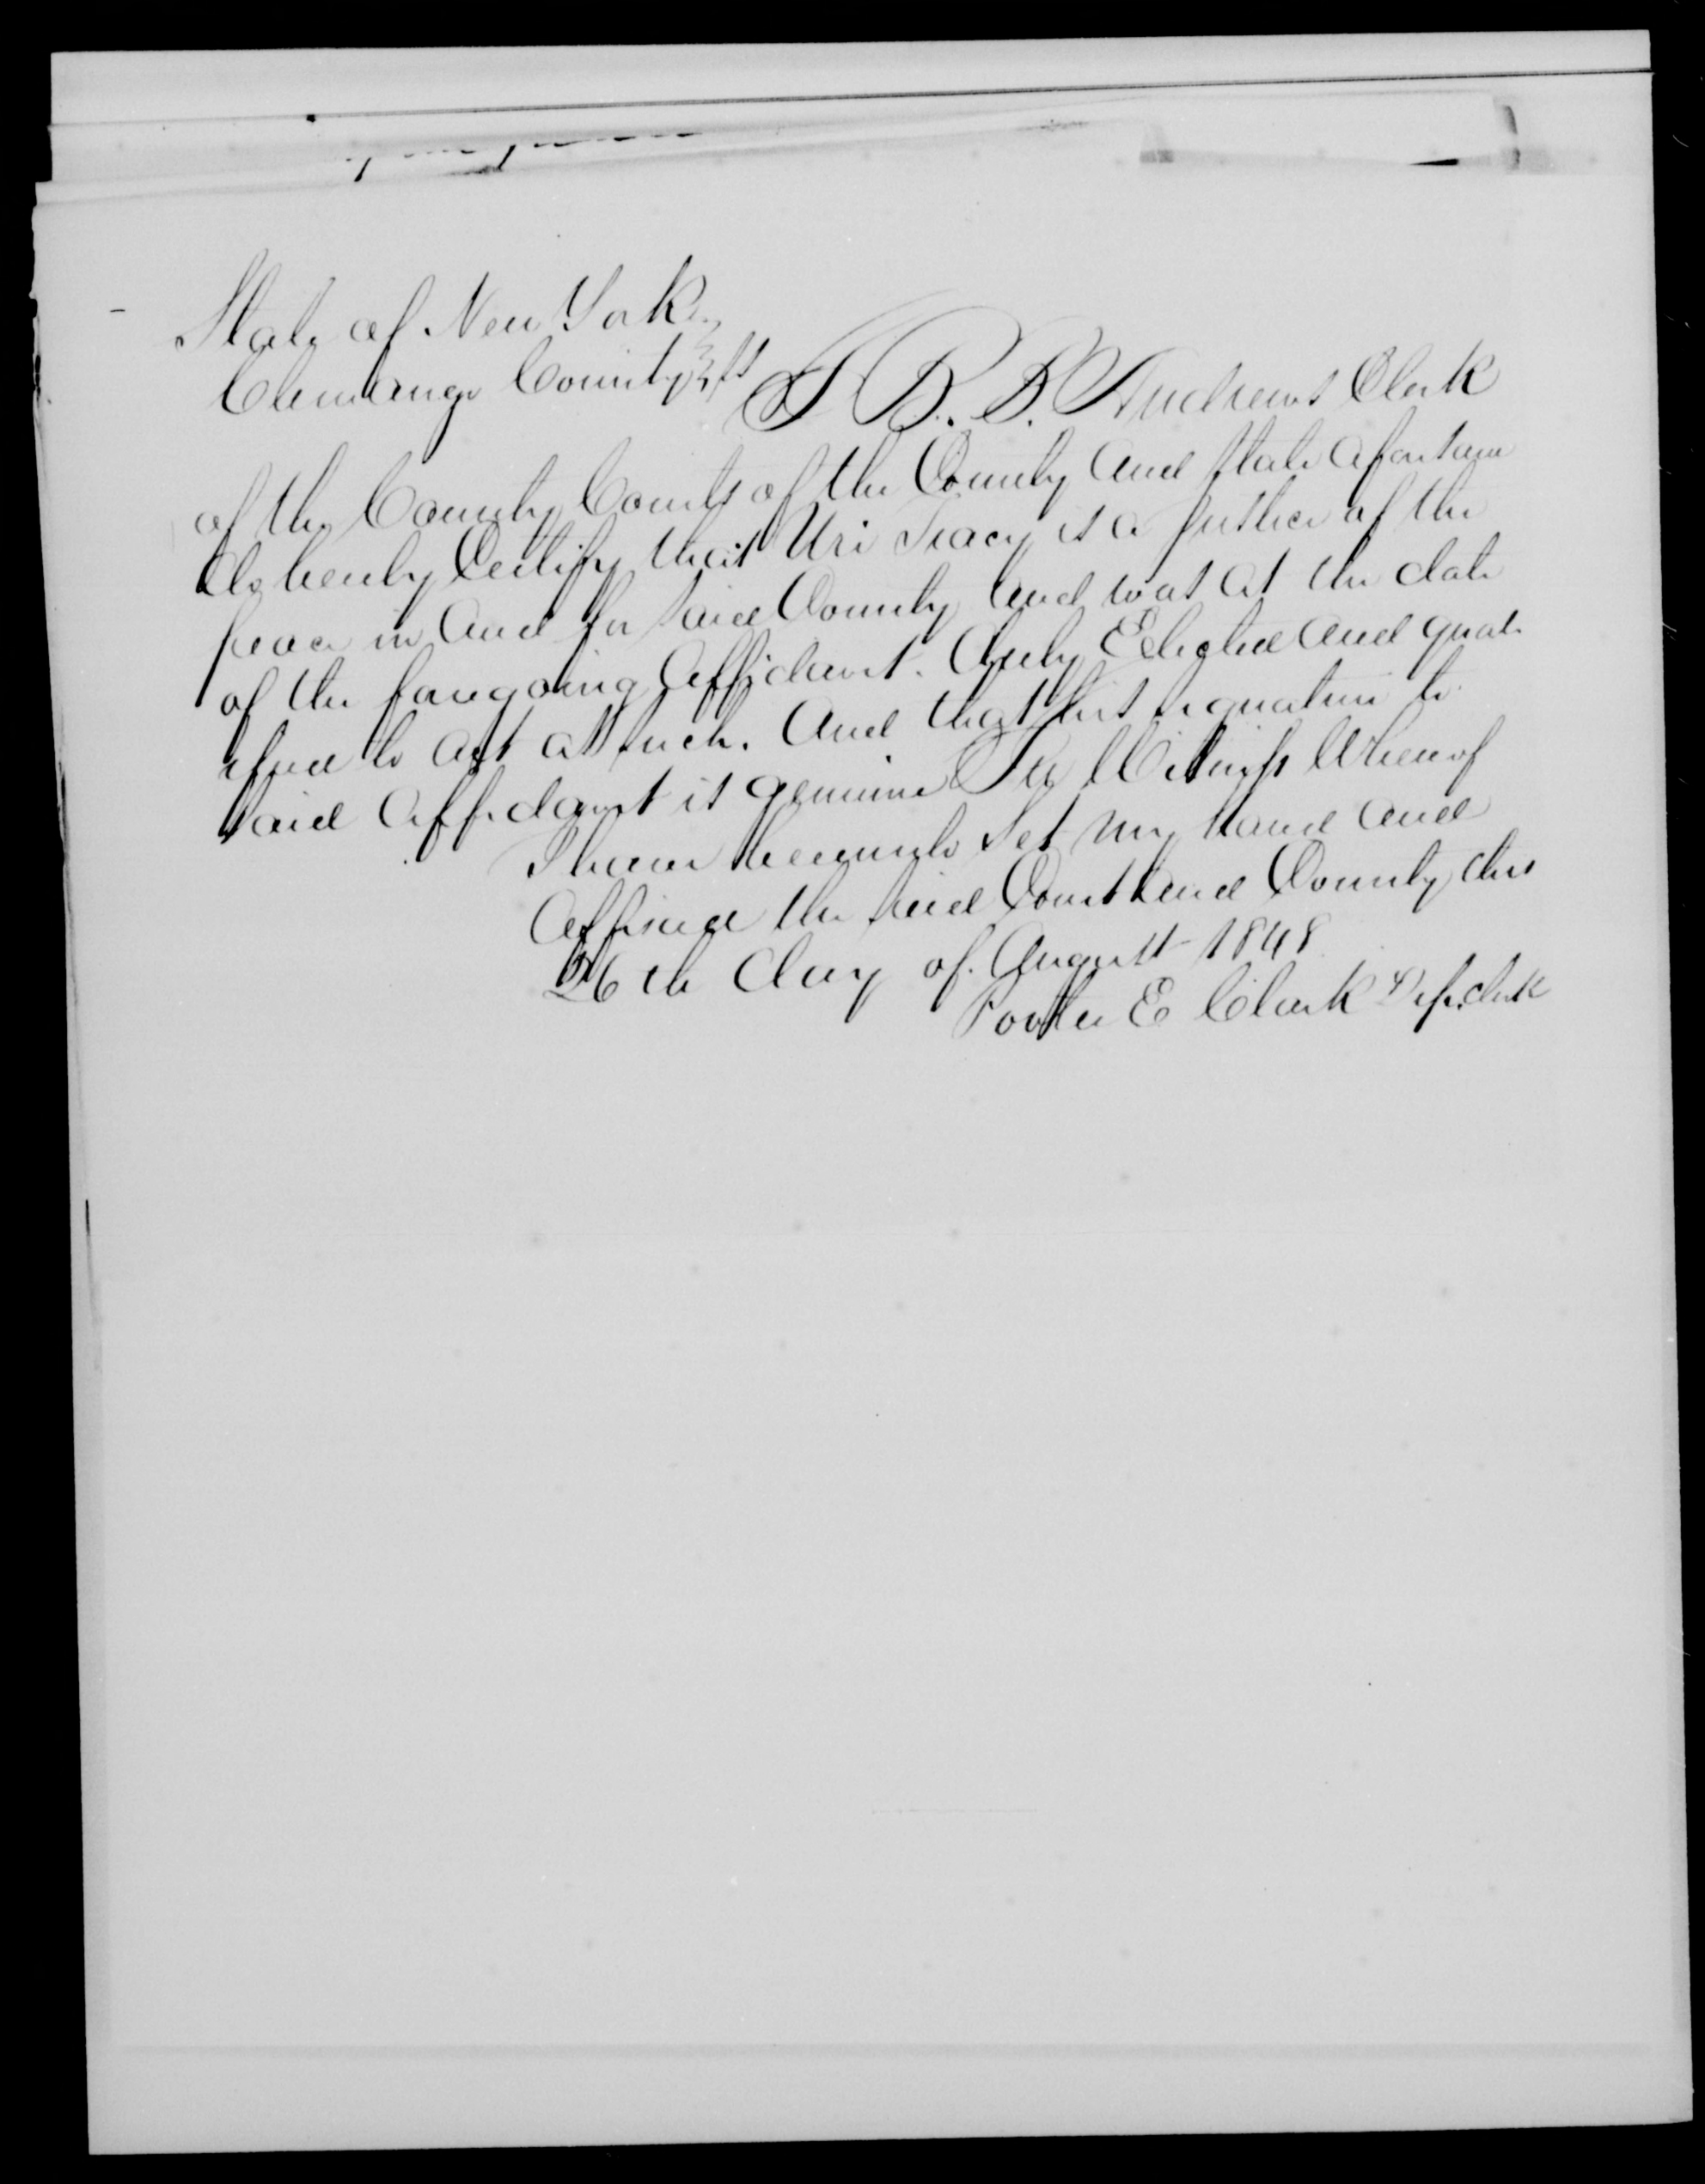State of New York 
Chenango County } ss. 

I B. B. Andrews Clerk of the County Courts of the County and State aforesaid do hereby certify that Uri Tracy is a Justice of the Peace in and for said County and was at the date of the foregoing affidavit duly elected and qualified to act as such, and that his signature to said Affidavit is genuine.  In Witness Whereof I have hereunto set my hand and affixed the seal Court and County this 26th day of August 1848

Porter E Clark Dep. Clerk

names: B B Andrews; Porter E Clark; Uri Tracy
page: 24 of 77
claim: survivor's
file: S. 23003, for Silas Southerland, New York